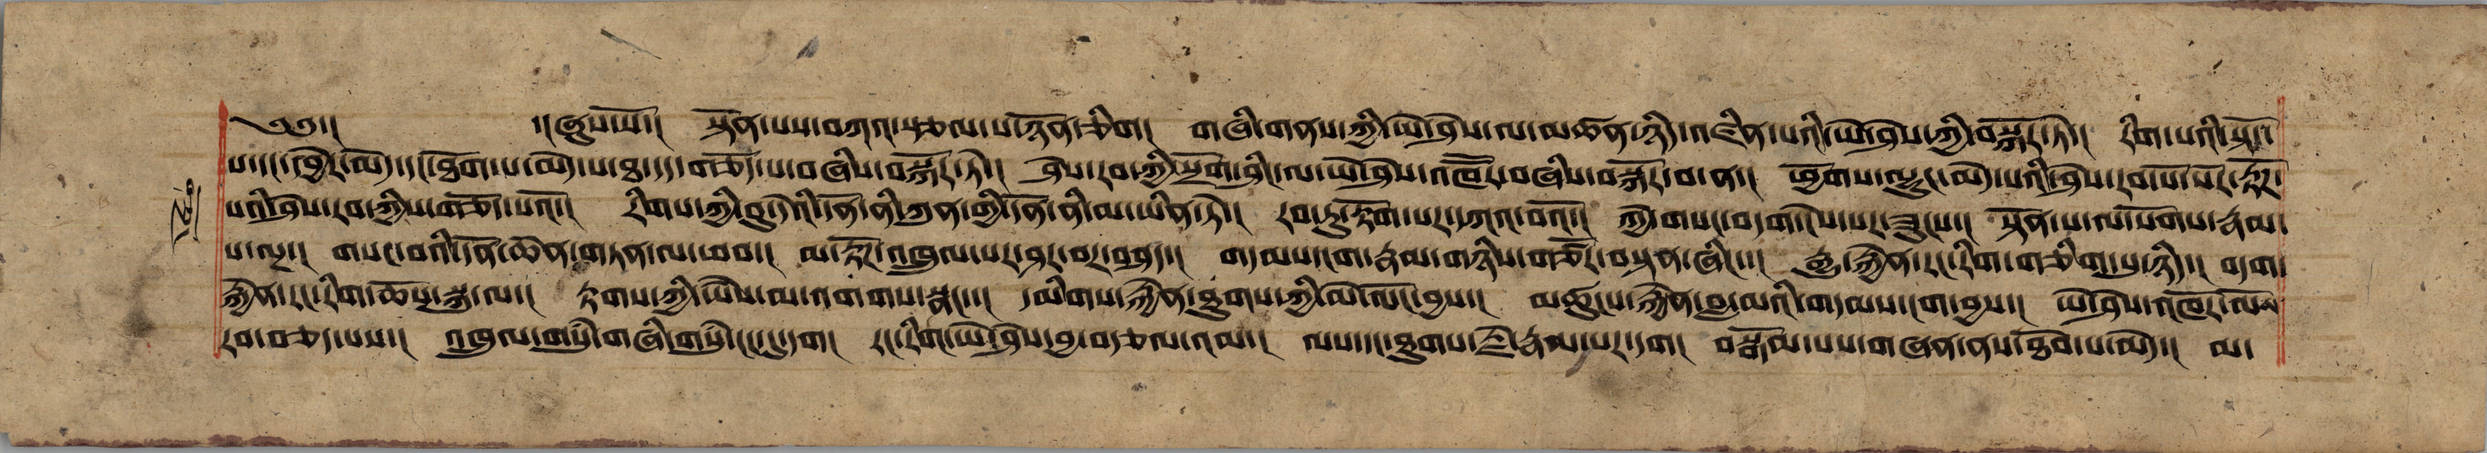༄༅་། ་།ཞུས་སོ་། སྟོན་པས་བཀའ་སྩལ་པ་ཉོན་ཅིག། གཞི་གནས་ཀྱི་ཡེ་ཤེས་ལ་མཚན་ཉིད་འཛིན་པའི་ཡེ་ཤེས་ཀྱི་བསྐོར་ཏེ་། རིག་པའི་སྟོང་
པ་དང་དབྱེར་མེད་དང་ཐོག་པ་མེད་པ་ཐ་དད་གཅོད་པ་བཞིས་བསྐོར་ཏེ་། ཤེས་རབ་ཀྱི་སྲོག་ཤིང་ལ་ཡེ་ཤེས་འཁཽར་བཞིས་བསྐོར་བ་ན་། ཕྱོགས་ལྷུང་མེད་པའི་ཤེས་རབ་སོ་སོར་རྟོཌ་
པའི་ཤེས་རབ་ཀྱིས་གཅོད་པའོ་། རིགས་ཀྱི་བུ་དེའི་དོན་ནི་ཀུན་གྱི་དོན་ནི་མ་ཡིན་ཏེ་། རབ་ཏུ་རྟོག་པར་དཀའ་བའོ་། ཀྱེ་གསང་བདག་ངེས་པར་ཟུངས་། སྟོན་པ་ལ་སོགས་རྣམ་
པ་ལྔ་། གསང་བའི་དོན་ཆེན་གཏན་ལ་ཕབ་། མ་རྟོཌ་འཁྲུལ་པར་ཤར་བར་བཤད་། གདམས་ངག་རྣམ་གཉིས་གཙོར་བསྟན་ཞིང་། རྒྱུ་རྐྱེན་རང་རིག་གཅིག་པུ་ཉིད་། བདག་
རྐྱེན་རང་རིག་ཆོས་སྐུ་ལ་། རྟགས་ཀྱི་ཡཻས་མ་འགགས་སྣང་་། དམིགས་རྐྱེན་ཐུགས་ཀྱི་མེ་ལོང་བྱས་། མཚུངས་རྐྱེན་བླ་མའི་གདམས་ངག་བྱས་། ཡེ་ཤེས་འཁོར་ལོ་
རབ་བཅད་པས་། འཁྲུལ་གསུཾ་གཞི་གསུཾ་ངང་དུ་དག། རང་རིག་ཡེ་ཤེས་བྱ་བརྩལ་འམ་། ལས་དང་ཐུགས་རྗེ་རྣམ་པར་དག། བསྒོམ་པས་གཞན་ནས་ཐོབ་པ་མེད་། མ་